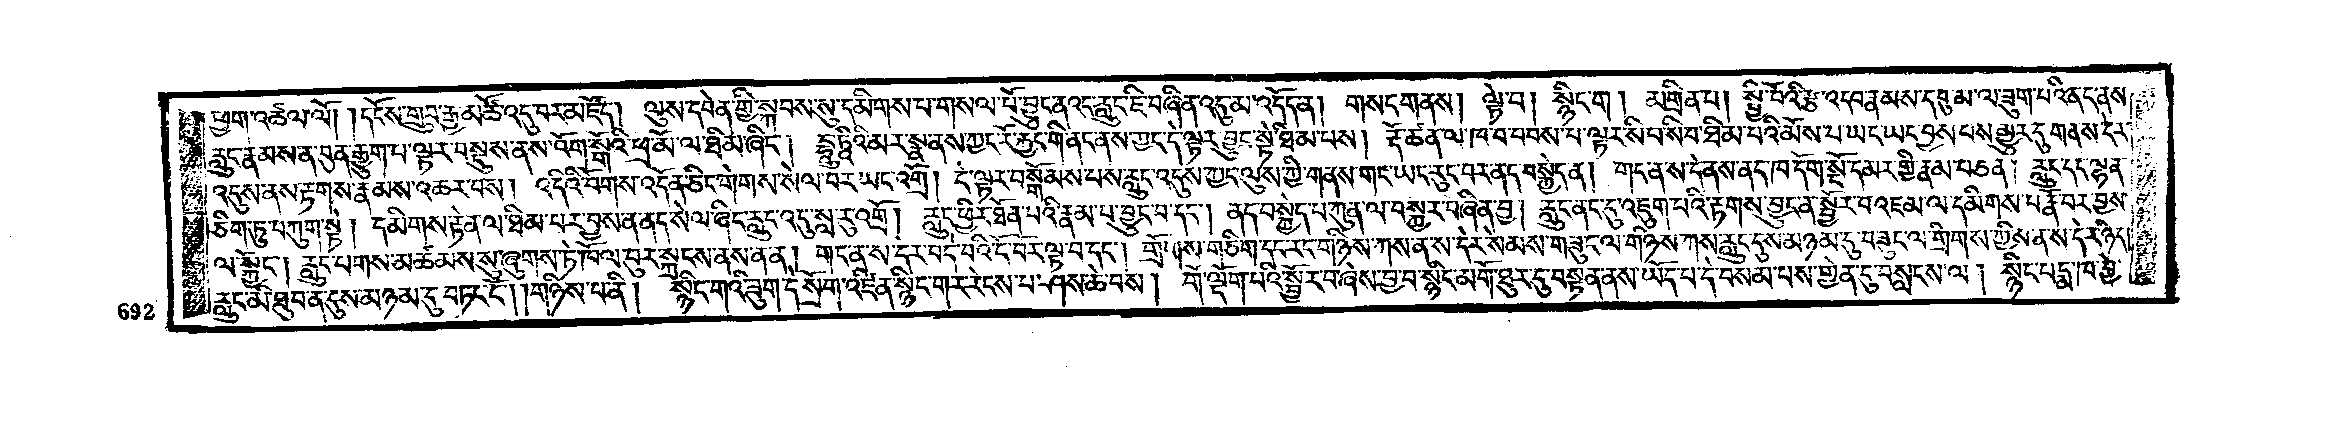ཕྱག་འཚལ་ལོ། །དངོས་གྲུབ་རྒྱ་མཚོ་འདུ་བར་མཛོད། ལུས་དབེན་གྱི་སྐབས་སུ་དམིགས་པ་གསལ་པོ་བྱུང་ནའང་རླུང་ཇི་བཞིན་འདུ་མ་འདོད་ན། གསང་གནས། ལྟེ་བ། སྙིང་ག། མགྲིན་པ། སྤྱི་བོའི་རྩ་འདབ་རྣམས་དབུ་མ་ལ་ཟུག་པའི་ནང་ནས་
རླུང་རྣམས་ན་བུན་རྒྱུག་པ་ལྟར་བསྡུས་ནས་འོག་སྒོའི་ཕྲ་མོ་ལ་ཐིམ་ཞིང་། དྷཱུ་ཏཱིའི་མར་སྣ་ནས་ཀྱང་རོ་རྐྱང་གི་ནང་ནས་ཀྱང་དེ་ལྟར་བྱུང་སྟེ་ཐིམ་པས། རྡོ་ཚན་ལ་ཁ་བ་བབས་པ་ལྟར་སིབ་སིབ་ཐིམ་པའི་མོས་པ་ཡང་ཡང་བྱས་པས་མྱུར་དུ་གནས་དེར་
འདུས་ནས་རྟགས་རྣམས་འཆར་བས། འདིའི་བོགས་འདོན་ཅིང་གེགས་སེལ་བར་ཡང་འགྲོ། དེ་ལྟར་བསྒོམས་པས་རླུང་འདུས་ཀྱང་ལུས་ཀྱི་གནས་གང་ཡང་རུང་བར་ནད་བསྐྱེད་ན། གང་ནས་དེ་ནས་ནད་ཁ་དོག་སྔོ་དམར་གྱི་རྣམ་པ་ཅན། རླུང་དང་ལྷན་
ཅིག་ཏུ་བཀུག་སྟེ། དམིགས་རྟེན་ལ་ཐིམ་པར་བྱས་ན་ནད་སེལ་ཞིང་རླུང་འདུ་སླ་རུ་འགྲོ། རླུང་ཕྱིར་ཐོན་པའི་རྣམ་པ་བྱུང་བ་དང་། ནད་བསྐྱེད་པ་ཀུན་ལ་བསྐྱར་བཞིན་བྱ། རླུང་ནང་དུ་འཇུག་པའི་རྟགས་བྱུང་ན་སྦྱོར་བ་འཇམ་ལ་དམིགས་པ་རྣོ་བར་བྱས་
ལ་སྐྱོང་། རླུང་པགས་མཚམས་སུ་ཞུགས་ཏེ་ཁོལ་བུར་སྐྲངས་ནས་ན་ན། གང་ན་ས་དེར་བདེ་བའི་ངོ་བོར་ལྟ་བ་དང་། གྲོགས་གཅིག་དང་རང་གཉིས་ཀས་ན་ས་དེར་སེམས་གཟུང་ལ་གཉིས་ཀས་རླུང་དུས་མཉམ་དུ་བཟུང་ལ་གྲོགས་ཀྱིས་ན་ས་དེར་ཉེད་
རླུང་མི་ཐུབ་ན་དུས་མཉམ་དུ་བཏང་ངོ། །གཉིས་པ་ནི། སྙིང་གའི་ཟུག་དེ་སྲོག་འཛིན་སྙིང་གར་རེངས་པ་ཤས་ཆེ་བས། གོ་ལྡོག་པའི་སྦྱོར་བ་ཞེས་བྱ་བ་སྙིང་མགོ་ཐུར་དུ་བསྟན་ནས་ཡོད་པ་དེ་བསམ་པས་གྱེན་དུ་བསླངས་ལ། སྙིང་པདམ་ཁ་བྱེ་